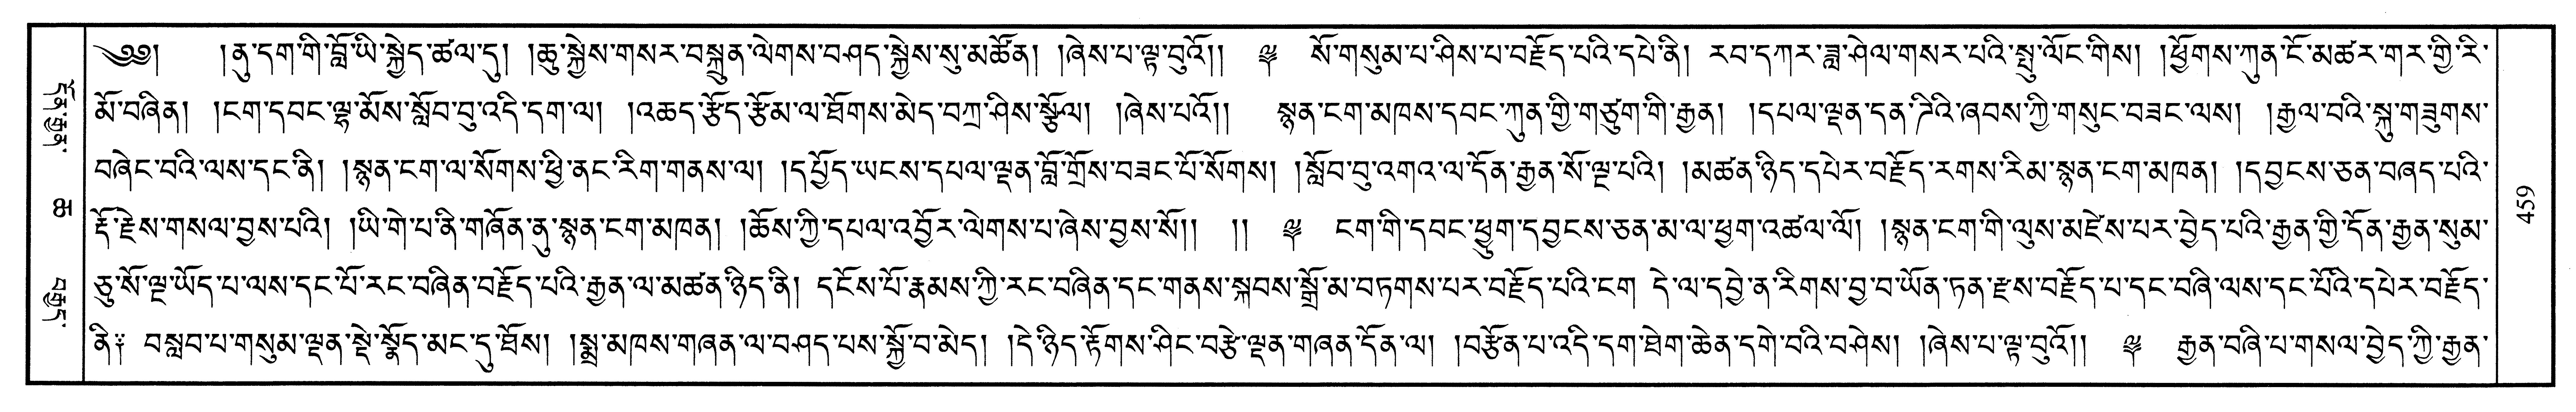༄༅། །ནུ་དག་གི་བློ་ཡི་སྐྱེད་ཚལ་དུ། །ཆུ་སྐྱེས་གསར་བསྐྲུན་ལེགས་བཤད་སྐྱེས་སུ་མཚོན། །ཞེས་པ་ལྟ་བུའོ།། ༈ སོ་གསུམ་པ་ཤིས་པ་བརྗོད་པའི་དཔེ་ནི། རབ་དཀར་ཟླ་ཤེལ་གསར་པའི་སྤུ་ལོང་གིས། །ཕྱོགས་ཀུན་ངོ་མཚར་གར་གྱི་རི་
མོ་བཞིན། །ངག་དབང་ལྷ་མོས་སློབ་བུ་འདི་དག་ལ། །འཆད་རྩོད་རྩོམ་ལ་ཐོགས་མེད་བཀྲ་ཤིས་སྩོལ། །ཞེས་པའོ།། སྙན་ངག་མཁས་དབང་ཀུན་གྱི་གཙུག་གི་རྒྱན། །དཔལ་ལྡན་དན་ཌིའི་ཞབས་ཀྱི་གསུང་བཟང་ལས། །རྒྱལ་བའི་སྐུ་གཟུགས་
བཞེང་བའི་ལས་དང་ནི། །སྙན་ངག་ལ་སོགས་ཕྱི་ནང་རིག་གནས་ལ། །དཔྱོད་ཡངས་དཔལ་ལྡན་བློ་གྲོས་བཟང་པོ་སོགས། །སློབ་བུ་འགའ་ལ་དོན་རྒྱན་སོ་ལྔ་པའི། །མཚན་ཉིད་དཔེར་བརྗོད་རགས་རིམ་སྙན་ངག་མཁན། །དབྱངས་ཅན་བཞད་པའི་
རྡོ་རྗེས་གསལ་བྱས་པའི། །ཡི་གེ་པ་ནི་གཞོན་ནུ་སྙན་ངག་མཁན། །ཆོས་ཀྱི་དཔལ་འབྱོར་ལེགས་པ་ཞེས་བྱས་སོ།། །། ༈ ངག་གི་དབང་ཕྱུག་དབྱངས་ཅན་མ་ལ་ཕྱག་འཚལ་ལོ། །སྙན་ངག་གི་ལུས་མཛེས་པར་བྱེད་པའི་རྒྱན་གྱི་དོན་རྒྱན་སུམ་
ཅུ་སོ་ལྔ་ཡོད་པ་ལས་དང་པོ་རང་བཞིན་བརྗོད་པའི་རྒྱན་ལ་མཚན་ཉིད་ནི། དངོས་པོ་རྣམས་ཀྱི་རང་བཞིན་དང་གནས་སྐབས་སྒྲོ་མ་བཏགས་པར་བརྗོད་པའི་ངག་དེ་ལ་དབྱེ་ན་རིགས་བྱ་བ་ཡོན་ཏན་རྫས་བརྗོད་པ་དང་བཞི་ལས་དང་པོའི་དཔེར་བརྗོད་
ནི༑ བསླབ་པ་གསུམ་ལྡན་སྡེ་སྣོད་མང་དུ་ཐོས། །སྨྲ་མཁས་གཞན་ལ་བཤད་པས་སྐྱོ་བ་མེད། །དེ་ཉིད་རྟོགས་ཤིང་བརྩེ་ལྡན་གཞན་དོན་ལ། །བརྩོན་པ་འདི་དག་ཐེག་ཆེན་དགེ་བའི་བཤེས། །ཞེས་པ་ལྟ་བུའོ།། ༈ རྒྱན་བཞི་པ་གསལ་བྱེད་ཀྱི་རྒྱན་